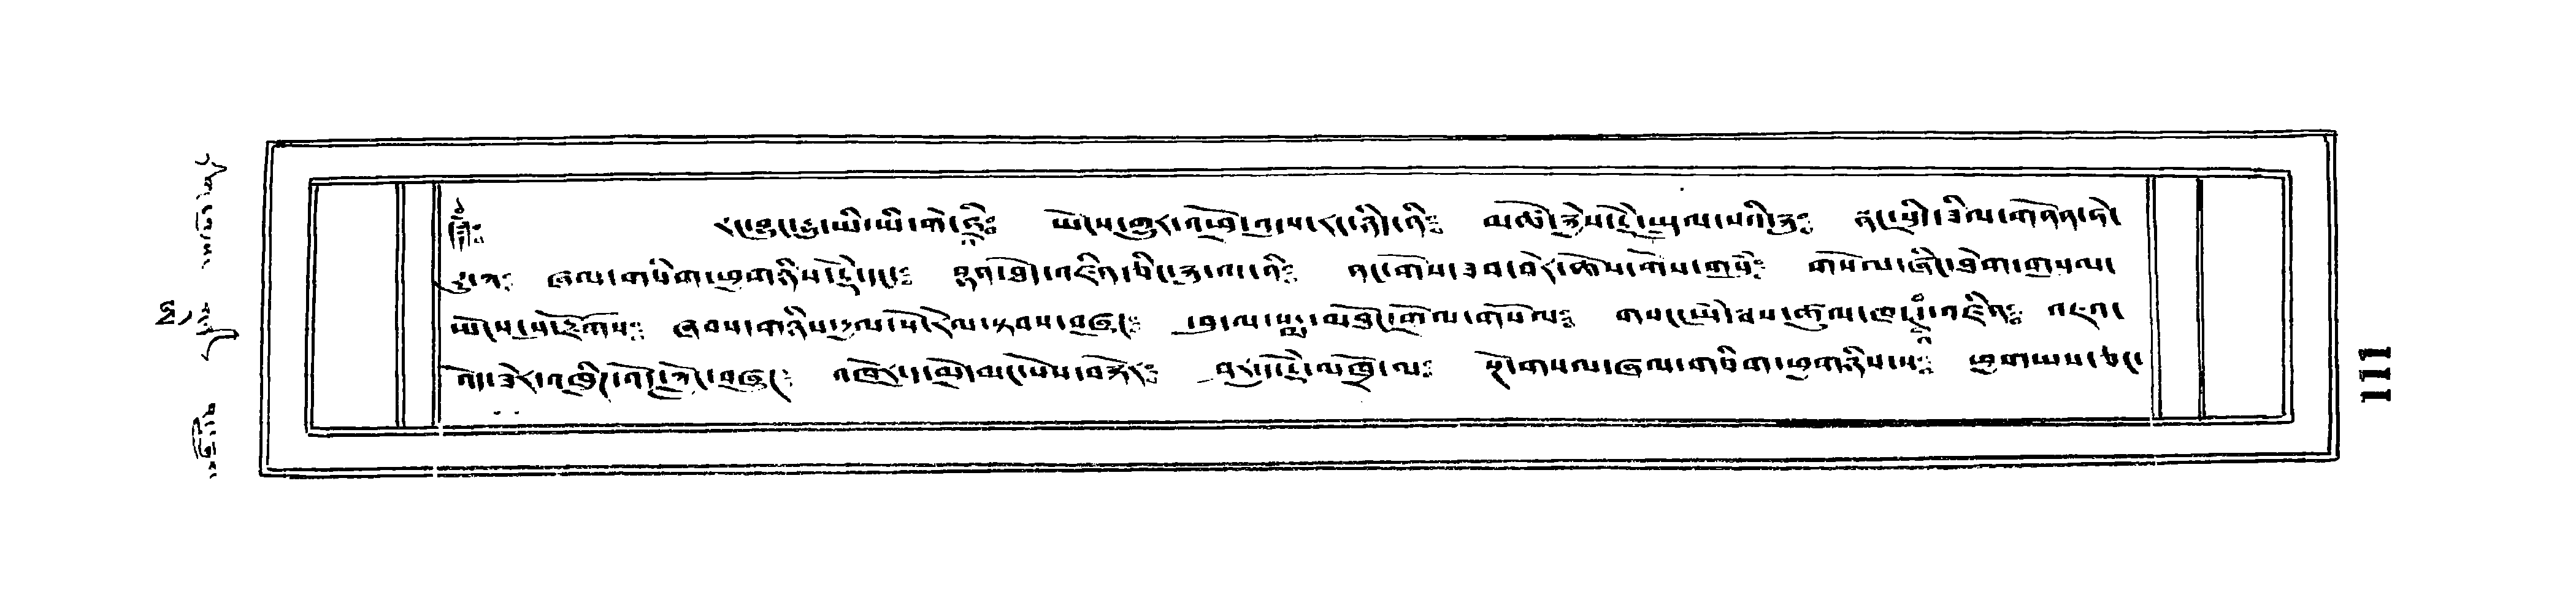རང་བྱུང་རྒྱུ་ཡི་ཡི་གེ་ཧྲཱིཿ ཡོངས་གྱུར་འཕྲོ་འདུས་རང་ཉིད་ནི༔ མཚོ་སྐྱེས་རྡོ་རྗེ་སྤྲུལ་པའི་སྐུ༔ སྣང་སྲིད་ཟིལ་གནོན་ཧེ་
རུ་ཀ༔ ཞལ་གཅིག་ཕྱག་གཉིས་རྡོ་རྗེ་དང༔ བྷན་ཐོད་འཛིན་ཅིང་སྐུ་ལ་ནི༔ ནང་གོས་ཟབ་བེར་ཆོས་གོས་གསུམ༔ གསོལ་ཞིང་ཐེག་གསུམ་
ཡོངས་སུ་རྫོགས༔ ཞབས་གཉིས་རྒྱལ་པོ་རོལ་སྟབས་བཞུགས༔ དབུ་ལ་པདྨ་མཐོང་གྲོལ་གསོལ༔ གསང་ཡུམ་སྦས་ཚུལ་ཁ་ཊྭཱཾ་འཛིན༔ འཇའ་
འོད་ཟེར་འཁྲིགས་འོད་ཀློང་བཞུགས༔ འཁོར་དུ་མཁའ་འགྲོ་མང་པོས་བསྐོར༔ ཤར་དུ་རྡོ་རྗེ་མཁའ་འགྲོ་མ༔ སྔོ་གསལ་ཞལ་གཅིག་ཕྱག་གཉིས་པ༔ ཕྱག་གཡས་ཅང་